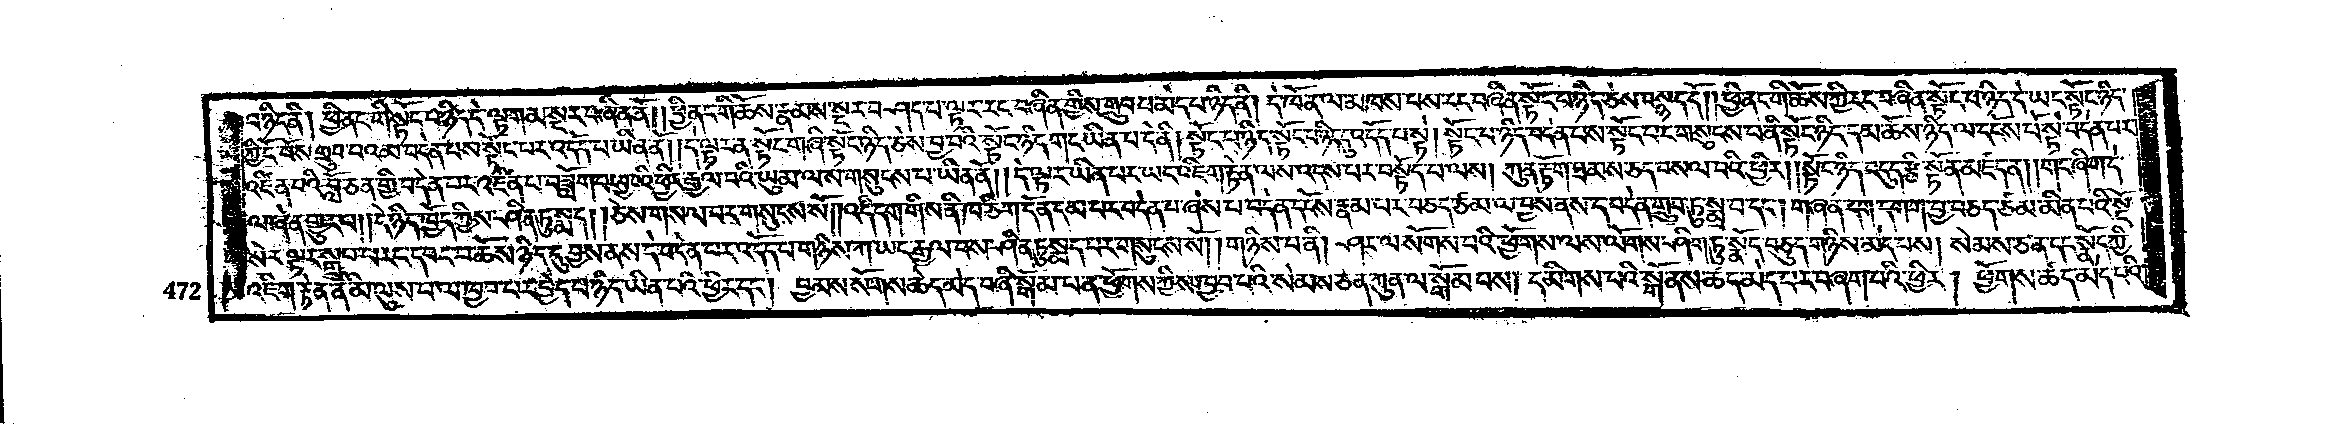པ་ཉིད་ནི། ཕྱི་ནང་གི་སྟོང་པ་ཉིད་དེ་ལྷག་མ་སྔར་བཞིན་ནོ། །ཕྱི་ནང་གི་ཆོས་རྣམས་སྔར་བཤད་པ་ལྟར་རང་བཞིན་ཀྱིས་གྲུབ་པ་མེད་པ་ཉིད་ནི། དེ་ཁོ་ན་ལ་མཁས་པས་རང་བཞིན་སྟོང་པ་ཉིད་ཅེས་བསྙད་དོ། །ཕྱི་ནང་གི་ཆོས་ཀྱི་རང་བཞིན་སྟོང་པ་ཉིད་དེ་ཡང་སྟོང་ཉིད་
ཀྱི་ངོ་བོས་གྲུབ་པའམ་བདེན་པས་སྟོང་པར་འདོད་པ་ཡིན་ནོ། །དེ་ལྟར་ན་སྟོང་གཞི་སྟོང་ཉིད་ཅེས་བྱ་བའི་སྟོང་ཉིད་གང་ཡིན་པ་དེ་ནི། སྟོང་པ་ཉིད་སྟོང་པ་ཉིད་དུ་འདོད་པ་སྟེ། སྟོང་པ་ཉིད་བདེན་པས་སྟོང་པར་གསུངས་པ་ནི་སྟོང་ཉིད་དམ་ཆོས་ཉིད་ལ་དངོས་པོ་སྟེ་བདེན་པར་
འཛིན་པའི་བློ་ཅན་གྱི་བདེན་པར་འཛིན་པ་བཟློག་པར་བྱ་བའི་ཕྱིར་རྒྱལ་བའི་ཡུམ་ལས་གསུངས་པ་ཡིན་ནོ། །དེ་ལྟར་ཡིན་པར་ཡང་འཇིག་རྟེན་ལས་འདས་པར་བསྟོད་པ་ལས། ཀུན་རྟོག་ཐམས་ཅད་བསལ་བའི་ཕྱིར། །སྟོང་ཉིད་བདུད་རྩི་སྟོན་མཛད་ན། །གང་ཞིག་དེ་
ལ་ཞེན་གྱུར་པ། །དེ་ཉིད་ཁྱོད་ཀྱིས་ཤིན་ཏུ་སྨད། །ཅེས་གསལ་བར་གསུངས་སོ། །འདི་དག་གིས་ནི་ཁ་ཅིག་དོན་དམ་པར་བདེན་པ་ཞེས་པ་བདེན་དངོས་རྣམ་པར་བཅད་ཙམ་ལ་བྱས་ནས་དེ་བདེན་གྲུབ་ཏུ་སྨྲ་བ་དང་། གཞན་དག་དགག་བྱ་བཅད་ཙམ་མིན་པའི་སྔོ་
སེར་ལྟར་སྒྲུབ་པར་རང་དབང་བ་ཆོས་ཉིད་དུ་བྱས་ནས་དེ་བདེན་པར་འདོད་པ་གཉིས་ཀ་ཡང་རྒྱལ་བས་ཤིན་ཏུ་སྨད་པར་གསུངས་སོ། །གཉིས་པ་ནི། ཤར་ལ་སོགས་པའི་ཕྱོགས་ལས་ལོགས་ཤིག་ཏུ་སྣོད་བཅུད་གཉིས་མེད་པས། སེམས་ཅན་དང་སྣོད་ཀྱི་
འཇིག་རྟེན་ནི་མི་ལུས་པ་ལ་ཁྱབ་པར་བྱེད་པ་ཉིད་ཡིན་པའི་ཕྱིར་དང་། བྱམས་སོགས་ཚད་མེད་བཞི་སྒོམ་པ་ན་ཕྱོགས་ཀྱིས་ཁྱབ་པའི་སེམས་ཅན་ཀུན་ལ་སྒོམ་པས། དམིགས་པའི་སྒོ་ནས་ཚད་མེད་པར་བཞག་པའི་ཕྱིར། ཕྱོགས་ཚད་མེད་པའི་